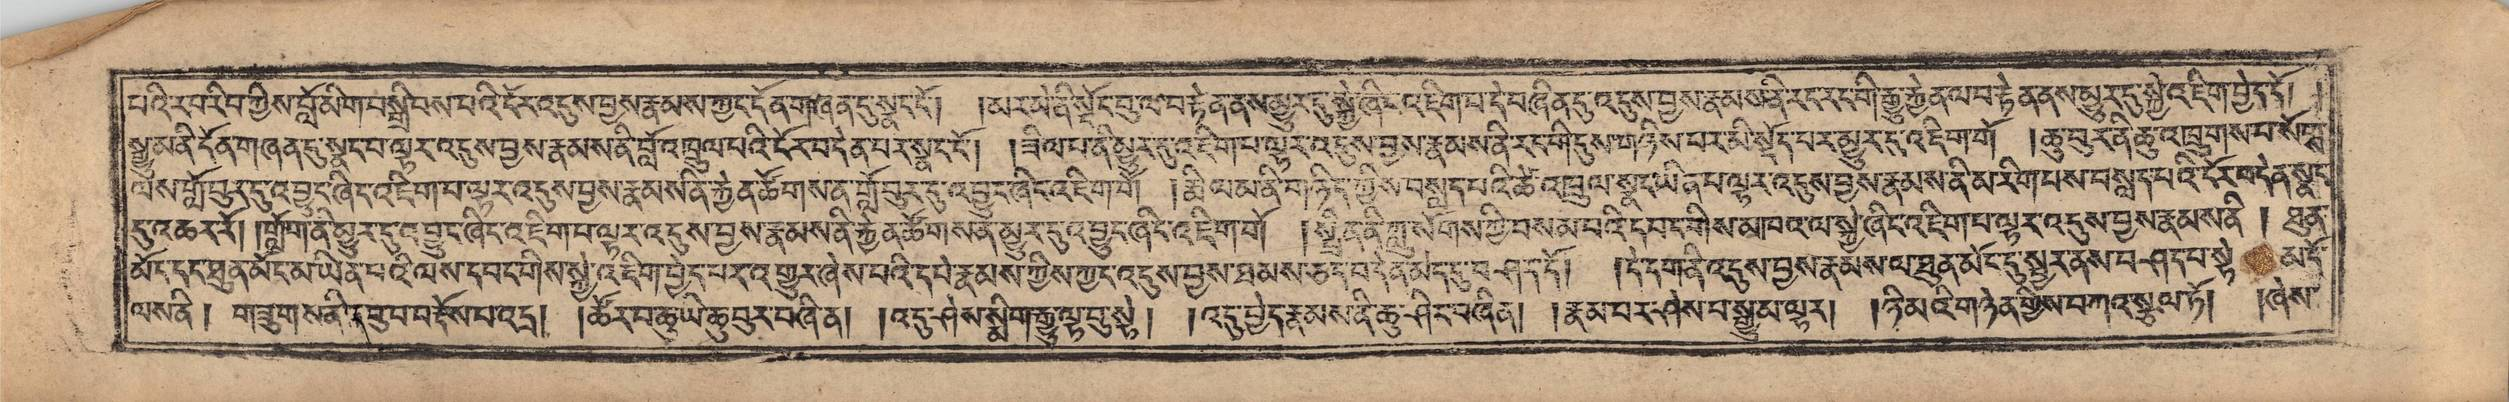པའི་རབ་རིབ་ཀྱིས་བློ་མིག་བསྒྲིབས་པའི་ངོར་འདུས་བྱས་རྣམས་ཀྱང་དོན་གཞན་དུ་སྣང་ངོ། །མར་མེ་ནི་སྔོ་འབུ་ལ་བརྟེན་ནས་མྱུར་དུ་སྐྱེ་ཞིང་འཇིག་པ་དེ་བཞིན་དུ་འདུས་བྱས་རྣམས་ནི་རང་རང་གི་རྒྱུ་རྐྱེན་ལ་བརྟེན་ནས་མྱུར་དུ་སྐྱེ་འཇིག་བྱེད་དོ། །
སྒྱུ་མ་ནི་དོན་གཞན་དུ་སྣང་བ་ལྟར་འདུས་བྱས་རྣམས་ནི་བློ་འཁྲུལ་བའི་ངོར་བདེན་པར་སྣང་ངོ། །ཟིལ་མ་ནི་མྱུར་དུ་འཇིག་པ་ལྟར་འདུས་བྱས་རྣམས་ནི་རང་གི་དུས་གཉིས་པར་མི་སྡོད་པར་མྱུར་དུ་འཇིག་གོ། །ཆུ་བུར་ནི་ཆུ་འཁྲུགས་པ་སོགས་
ལས་གློ་བུར་དུ་འབྱུང་ཞིང་འཇིག་པ་ལྟར་འདུས་བྱས་རྣམས་ནི་རྐྱེན་ཚོགས་ན་གློ་བུར་དུ་འབྱུང་ཞིང་འཇིག་གོ །རྨི་ལམ་ནི་གཉིད་ཀྱིས་བསླད་པའི་ཚེ་འཁྲུལ་སྣང་ཡིན་པ་ལྟར་འདུས་བྱས་རྣམས་ནི་མ་རིག་པས་བསླད་པའི་ངོར་བདེན་སྣང་
དུ་འཆར་རོ། །གློག་ནི་མྱུར་དུ་འབྱུང་ཞིང་འཇིག་པ་ལྟར་འདུས་བྱས་རྣམས་ནི་རྐྱེན་ཚོགས་ན་མྱུར་དུ་འབྱུང་ཞིང་འཇིག་གོ ། སྤྲིན་ནི་ཀླུ་སོགས་ཀྱི་བསམ་པའི་དབང་གིས་མཁའ་ལ་སྐྱེ་ཞིང་འཇིག་པ་ལྟར་འདུས་བྱས་རྣམས་ནི། ཐུན་
མོང་དང་ཐུན་མོང་མ་ཡིན་པའི་ལས་དབང་གིས་སྐྱེ་འཇིག་བྱེད་བར་འགྱུར་ཞེས་པའི་དཔེ་རྣམས་ཀྱིས་ཀྱང་འདུས་བྱས་ཐམས་ཅད་བདེན་མེད་དུ་བཤད་དོ། །དེ་དག་ནི་འདུས་བྱས་རྣམས་ལ་ཐུན་མོང་དུ་སྦྱར་ནས་བཤད་པ་སྟེ། མདོ་
ལས་ནི། གཟུགས་ནི་དབུ་བ་བརྡོས་པ་འདྲ། །ཚོར་བ་ཆུ་ཡི་ཆུ་བུར་བཞིན། །འདུ་ཤེས་སྨིག་རྒྱུ་ལྟ་བུ་སྟེ། །འདུ་བྱེད་རྣམས་ནི་ཆུ་ཤིང་བཞིན། །རྣམ་པར་ཤེས་པ་སྒྱུ་མ་ལྟར། །ཉི་མའི་གཉེན་གྱིས་བཀའ་སྩལ་ཏོ། །ཞེས་